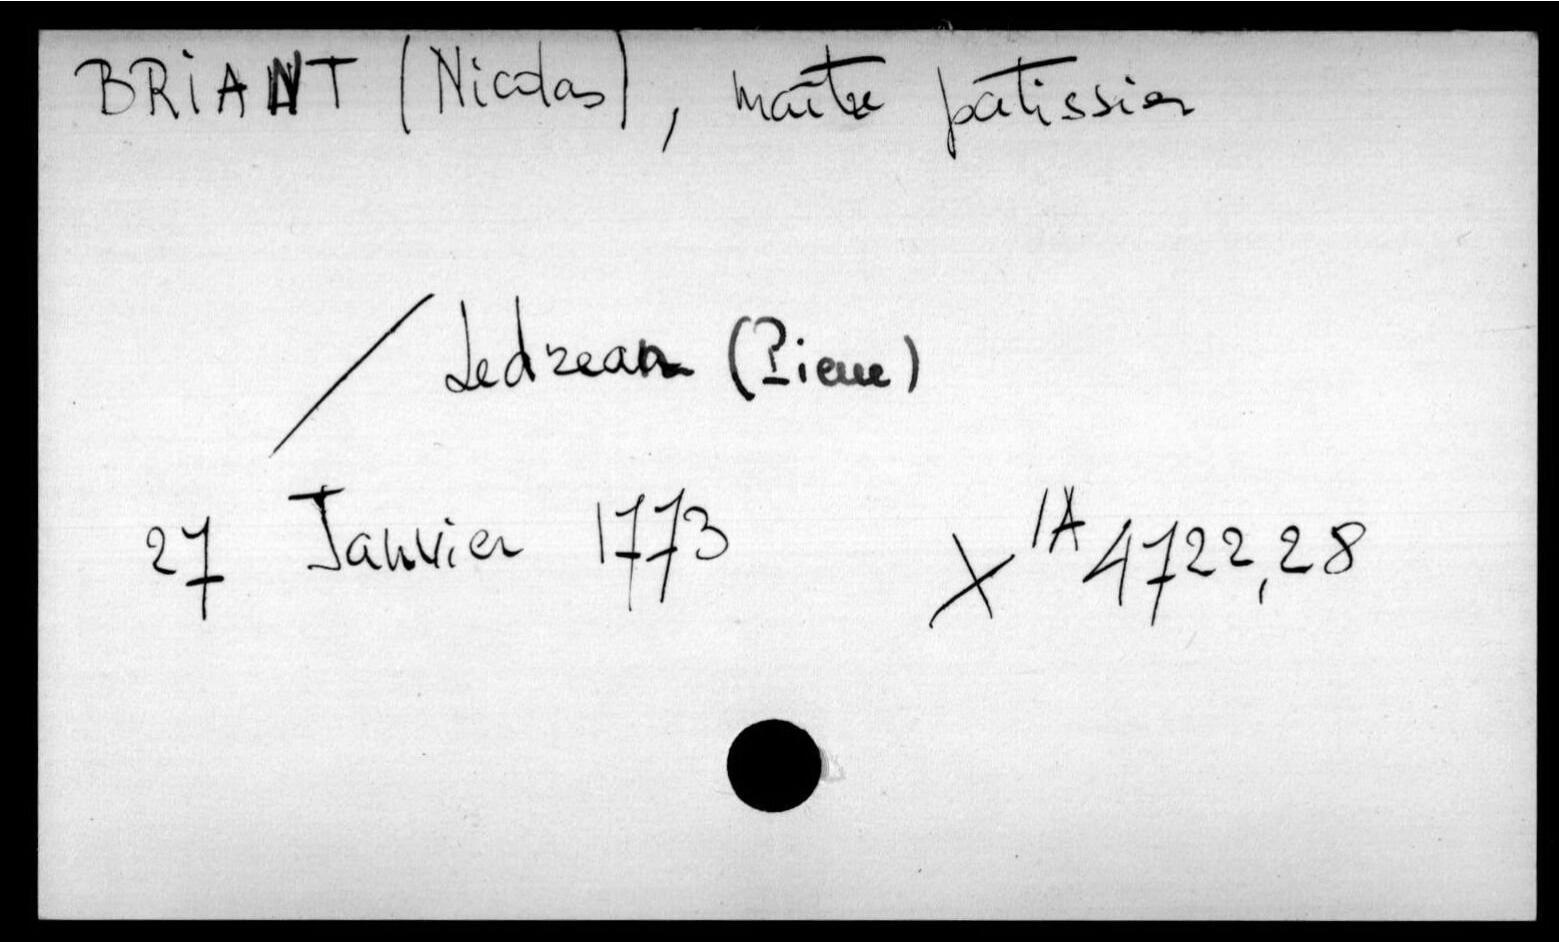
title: BRIANT (Nicoas), maître pâtissier
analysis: Contre Ledrean (Pierre)
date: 27 janvier 1773
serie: X1A
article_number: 4722
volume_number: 28
